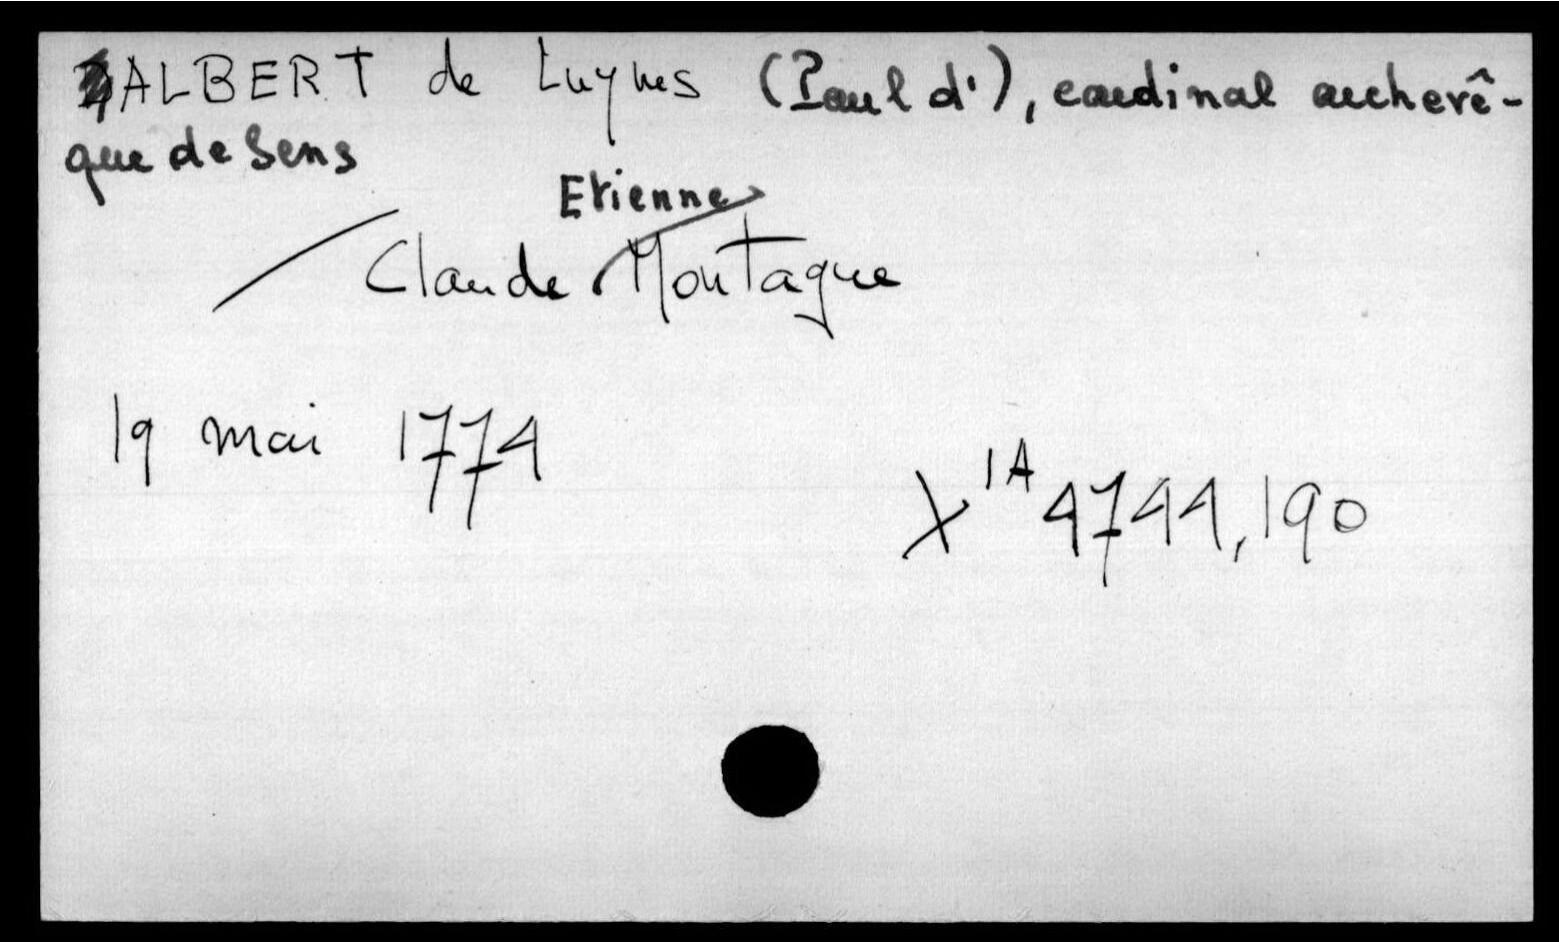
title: ALBERT de Luynes (Paul d'), cardinal archevêque de Sens
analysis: Contre Claude Etienne Montagne
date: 19 mai 1774
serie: X1A
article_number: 4744
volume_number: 190
